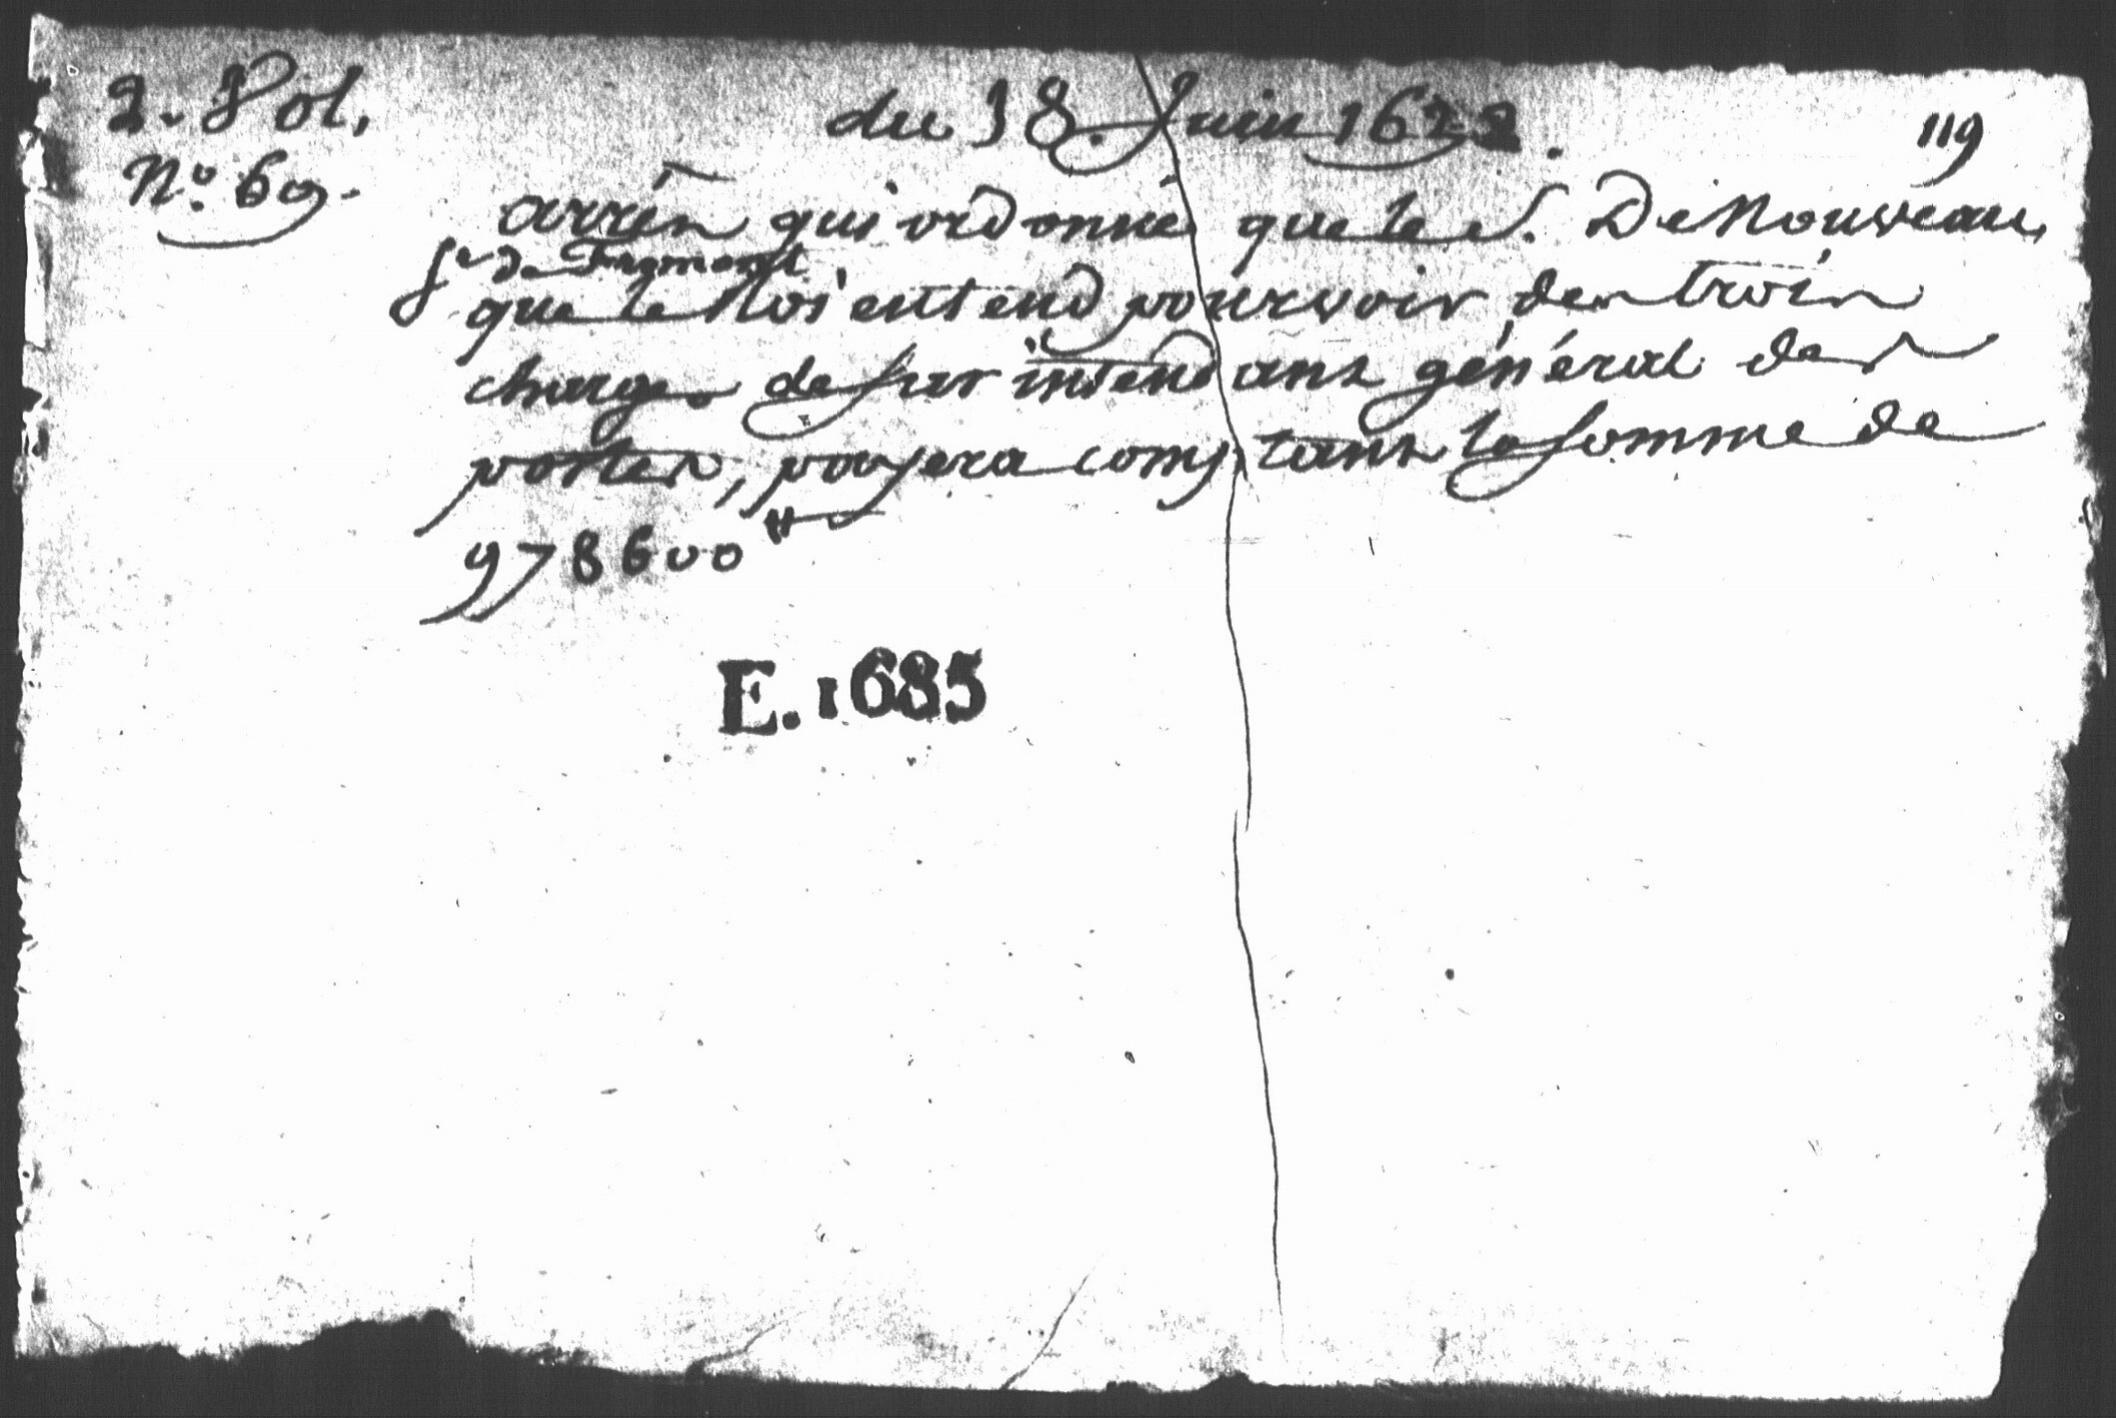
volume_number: n°69
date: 18 juin 1632
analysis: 119
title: Arrêt qui ordonne que le S. Denouveau, Sr de Fromont que le Roi entend pourvoir des trois charges de surintendant général des postes, payera comptant la somme de 978600 #
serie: E
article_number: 1685
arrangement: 2. vol.
